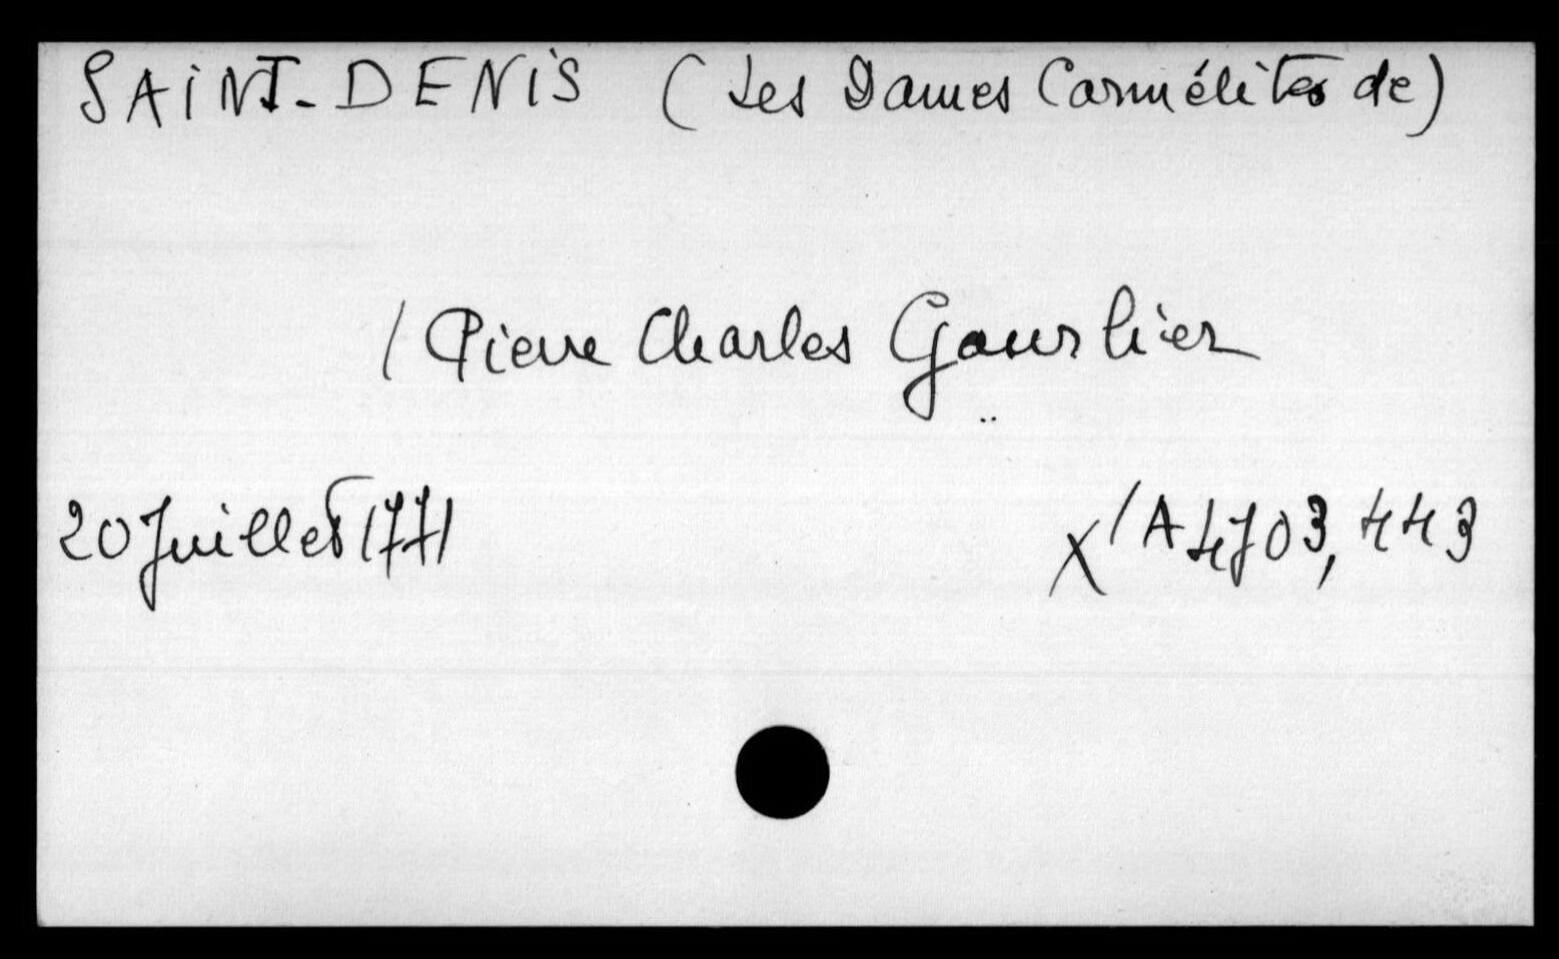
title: SAINT-DENIS (Les dames carmélites de)
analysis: Contre Pierre Charles Gourlier
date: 20 juillet 1771
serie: X1A
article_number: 4703
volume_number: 443
